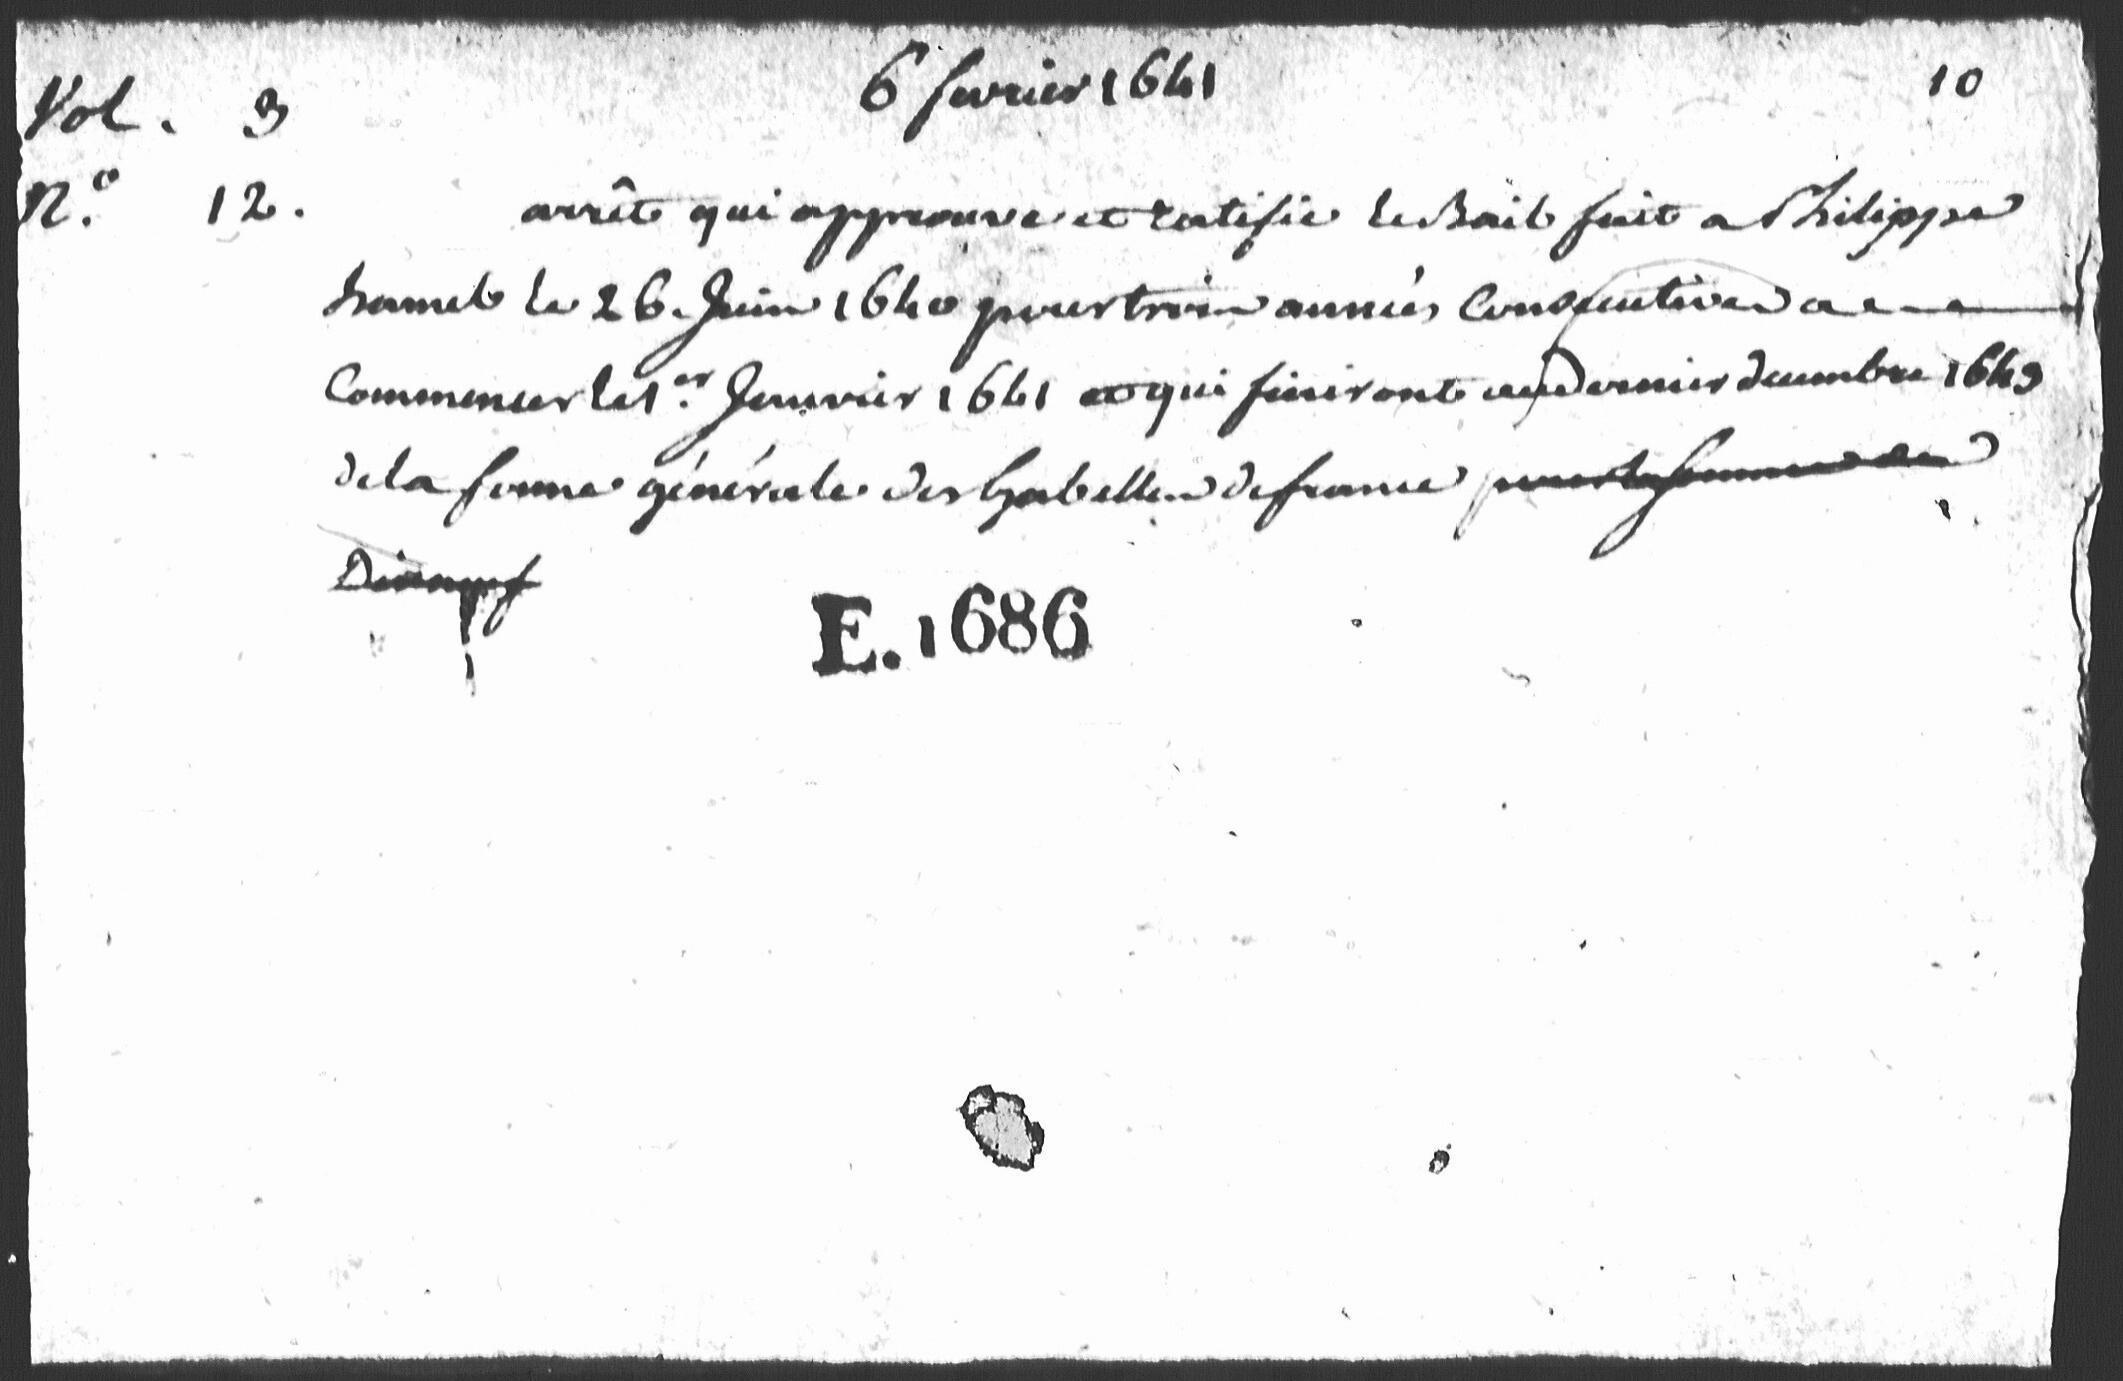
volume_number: n°12
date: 6 février 1641
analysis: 10
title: arret qui approuve et ratifie le bail fait a Philippe hamel le 26 juin 1640 pour trois années consecutives a commencer le 1.er janvier 1641 et qui finiront au dernier decembre 1643 de la ferme générale des gabelles de France [pour la somme de : mots barrés]
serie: E
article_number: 1686
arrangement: vol. 3
